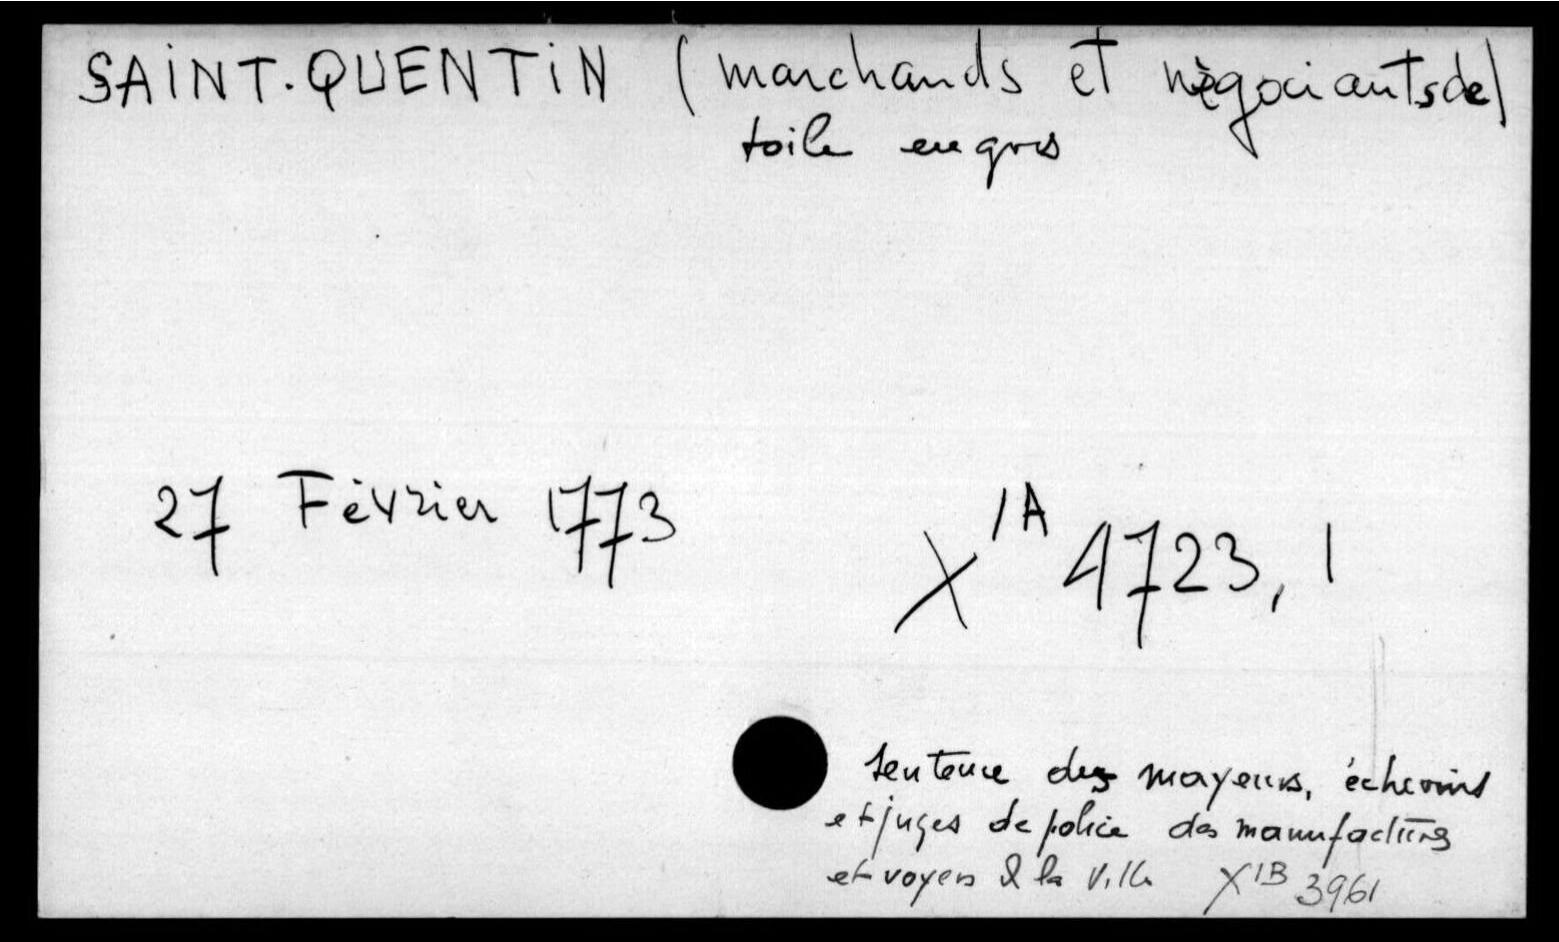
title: SAINT-QUENTIN (marchands et négociants de) toile en gros
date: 27 février 1773
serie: X1A
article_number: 4723
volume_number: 1
